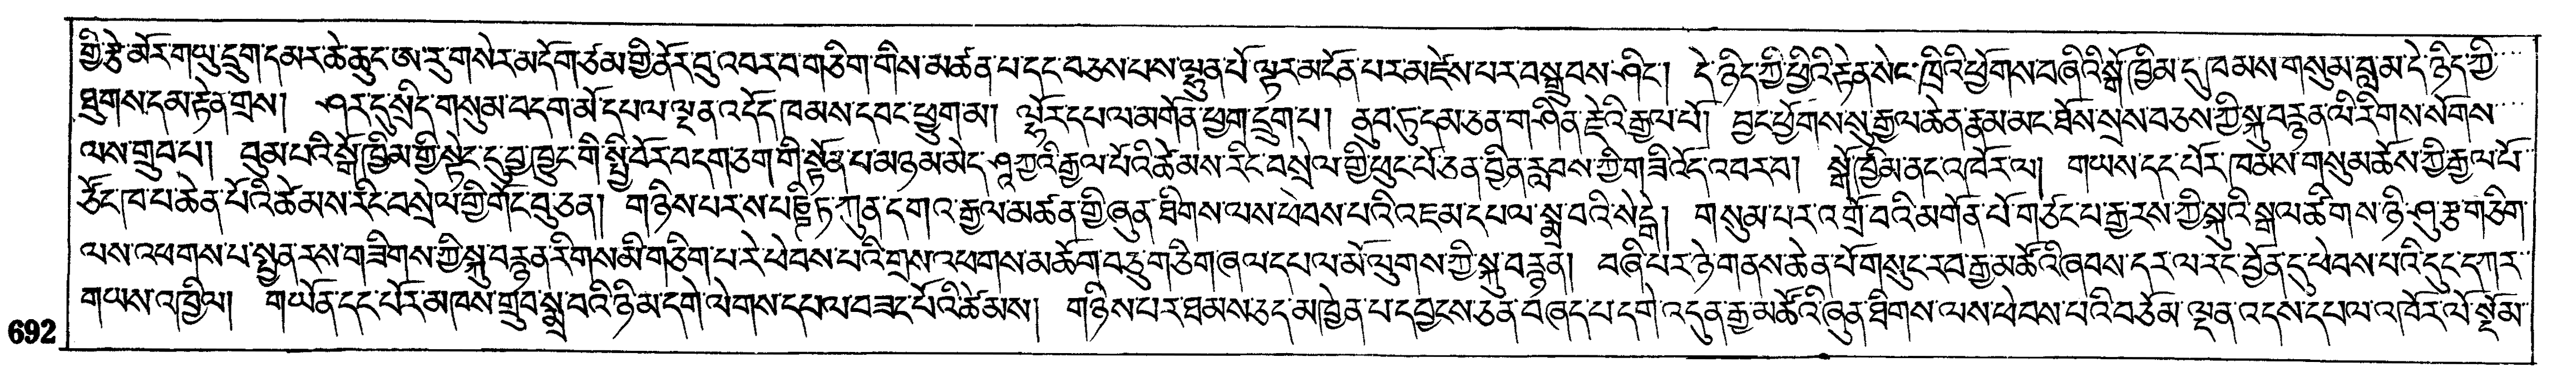གྱི་རྩེ་མོར་གཡུ་དྲུག་དམར་ཆེ་ཆུང་ཨ་རུ་གསེར་མདོག་ཙམ་གྱི་ནོར་བུ་འབར་བ་གཅིག་གིས་མཚན་པ་དང་བཅས་པས་ལྷུན་པོ་ལྟར་མངོན་པར་མཛེས་པར་བསྒྲུབས་ཤིང་། དེ་ཉིད་ཀྱི་ཕྱིའི་རྟེན་སེང་ཁྲིའི་ཕྱོགས་བཞིའི་སྒོ་ཁྱིམ་དུ་ཁམས་གསུམ་བླ་མ་དེ་ཉིད་ཀྱི་
ཐུགས་དམ་རྟེན་གྲས། ཤར་དུ་སྲིད་གསུམ་བདག་མོ་དཔལ་ལྡན་འདོད་ཁམས་དབང་ཕྱུག་མ། ལྷོར་དཔལ་མགོན་ཕྱག་དྲུག་པ། ནུབ་ཏུ་དམ་ཅན་གཤིན་རྗེའི་རྒྱལ་བོ། བྱང་ཕྱོགས་སུ་རྒྱལ་ཆེན་རྣམ་མང་ཐོས་སྲས་བཅས་ཀྱི་སྐུ་བརྙན་ལི་རིགས་སོགས་
ལས་གྲུབ་པ། བུམ་བའི་སྒོ་ཁྱིམ་གྱི་སྟེང་དུ་བྱ་ཁྱུང་གི་སྤྱི་བོར་བདག་ཅག་གི་སྟོན་པ་མཉམ་མེད་ཤཱཀྱའི་རྒྱལ་པོའི་ཚེམས་རིང་བསྲེལ་གྱི་ཕུང་པོ་ཅན་བྱིན་རླབས་ཀྱི་གཟི་འོད་འབར་བ། སྒོ་ཁྱིམ་ནང་འཁོར་ལ། གཡས་དང་བོར་ཁམས་གསུམ་ཆོས་ཀྱི་རྒྱལ་པོ་
ཙོང་ཁ་བ་ཆེན་པོའི་ཚེམས་རིང་བསྲེལ་གྱི་གོང་བུ་ཅན། གཉིས་པར་ས་པཎྜི་ཏ་ཀུན་དགའ་རྒྱལ་མཚན་གྱི་ཞུན་ཐིགས་ལས་ཕེབས་པའི་འཇམ་དཔལ་སྨྲ་བའི་སེངྒེ། གསུམ་པར་འགྲོ་བའི་མགོན་པོ་གཙང་པ་རྒྱ་རས་ཀྱི་སྐུའི་སྒལ་ཚིགས་ཉི་ཤུ་རྩ་གཅིག་
ལས་འཕགས་པ་སྤྱན་རས་གཟིགས་ཀྱི་སྐུ་བརྙན་རིགས་མི་གཅིག་པ་རེ་ཕེབས་པའི་གྲས་འཕགས་མཆོག་བཅུ་གཅིག་ཞལ་དཔལ་མོ་ལུགས་ཀྱི་སྐུ་བརྙན། བཞི་པར་ཉེ་གནས་ཆེན་པོ་གསུང་རབ་རྒྱ་མཚོའི་ཞབས་ངར་ལ་རང་བྱོན་དུ་ཕེབས་པའི་དུང་དཀར་
གཡས་འཁྱིལ། གཡོན་དང་པོར་མཁས་གྲུབ་སྨྲ་བའི་ཉི་མ་དགེ་ལེགས་དཔལ་བཟང་པོའི་ཚེམས། གཉིས་པར་ཐམས་ཅད་མཁྱེན་པ་དབྱངས་ཅན་བཞད་པ་དགེ་འདུན་རྒྱ་མཚོའི་ཞུན་ཐིགས་ལས་ཕེབས་པའི་བཅོམ་ལྡན་འདས་དཔལ་འཁོར་ལོ་སྡོམ་